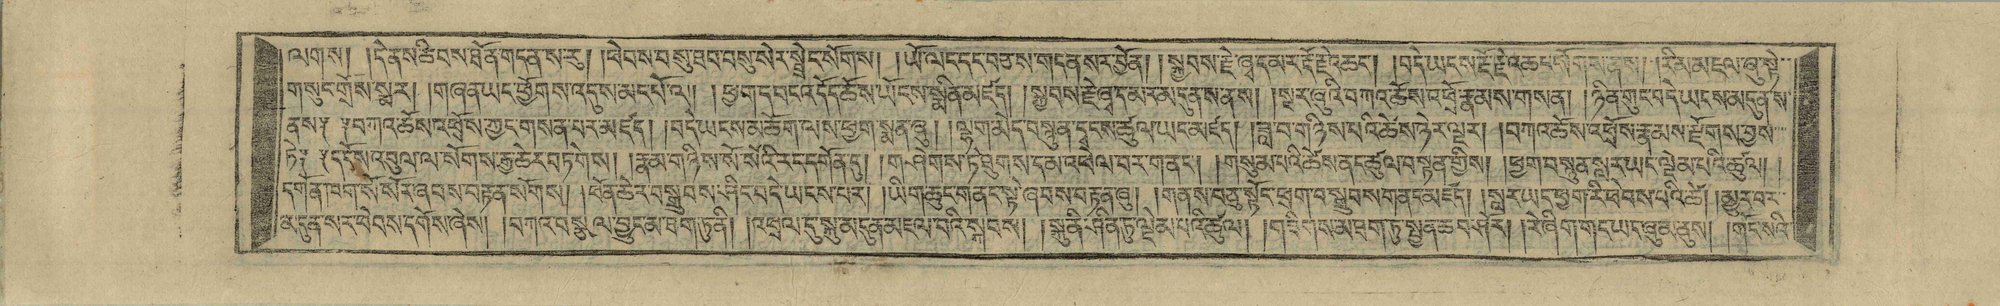ལགས། །དེ་ནས་ཆི་བས་ཐོན་གདན་ས་རུ། །ཕེབས་བསུ་ཐབ་བསུ་སེར་སྦྲེང་སོགས། །ཡོ་ལང་དང་བཅས་གདན་སར་བྱོན། །སྐྱབས་རྗེ་ཞྭ་དམར་རྡོ་རྗེ་འཆང་། །བདེ་ཡངས་རྡོ་རྗེ་འཆང་སོགས་ནས། །རིམ་མཇལ་ཞུ་སྟེ་
གསུང་གྲོས་སྨར། །གཞན་ཡང་ཕྱོགས་འདུས་མང་པོ་ལ། །ཕྱག་དབང་འདོད་ཆོས་ཡོངས་སྨིན་མཛད། །སྐྱབས་རྗེ་ཞྭ་དམར་མདུན་ས་ནས། །སྔར་ཞུའི་བཀའ་ཆོས་འཕྲོ་རྣམས་གསན། །ཉིན་གུང་བདེ་ཡངས་མདུན་ས་
ནས། །བཀའ་ཆོས་འཕྲོས་ཀྱང་གསན་པར་མཛད། །བདེ་ཡངས་མཆོག་ལས་ཕྱག་སྨན་ཞུ། །ལྷག་མེད་བསྙུན་དྭངས་ཚུལ་ཡང་མཛད། །ཟླ་བ་གཉིས་པའི་ཚེས་ཉེར་ལྔར། །བཀའ་ཆོས་འཕྲོས་རྣམས་རྫོགས་བྱས་
ཏེ། །དངོས་འབུལ་ལ་སོགས་རྒྱ་ཆེར་བཏེགས། །རྣམ་གཉིས་སོ་སོའི་རང་དགོན་དུ། །གཤེགས་ཏེ་ཐུགས་དམ་འཕེལ་བར་གནང་། །གསུམ་པའི་ཚེས་ནང་ཚུལ་བསྟན་གྱིས། །ཕྱག་བསྙུན་སླར་ཡང་ལྡེམ་པའི་ཚུལ། །
དགོན་ཁག་སོ་སོར་ཞབས་བརྟན་སོགས། །ཕོན་ཆེར་བསྒྲུབས་ཤིང་བདེ་ཡངས་པར། །ཡིག་ཆུང་གནང་སྟེ་ཞབས་བརྟན་ཞུ། །གནས་བཅུ་སྟོང་ཕྲག་བསྒྲུབས་གནང་མཛད། །སླར་ཡང་ཕྱག་རི་ཕེབས་པའི་ཚེ། །མྱུར་བར་
མདུན་སར་ཕེབས་དགོས་ཞེས། །བཀའ་བསྩལ་བྱུང་མ་ཐག་ཏུ་ནི། །འཕྲལ་དུ་སྐུ་མདུན་མཇལ་བའི་སྐབས། །སྐུ་ནི་ཤིན་ཏུ་ལྡེམ་པའི་ཚུལ། །གཟིགས་མ་ཐག་ཏུ་སྤྱན་ཆབ་ཤོར། །རེ་ཞིག་གང་ཡང་ཞུ་མ་ནུས། །གོང་སའི་